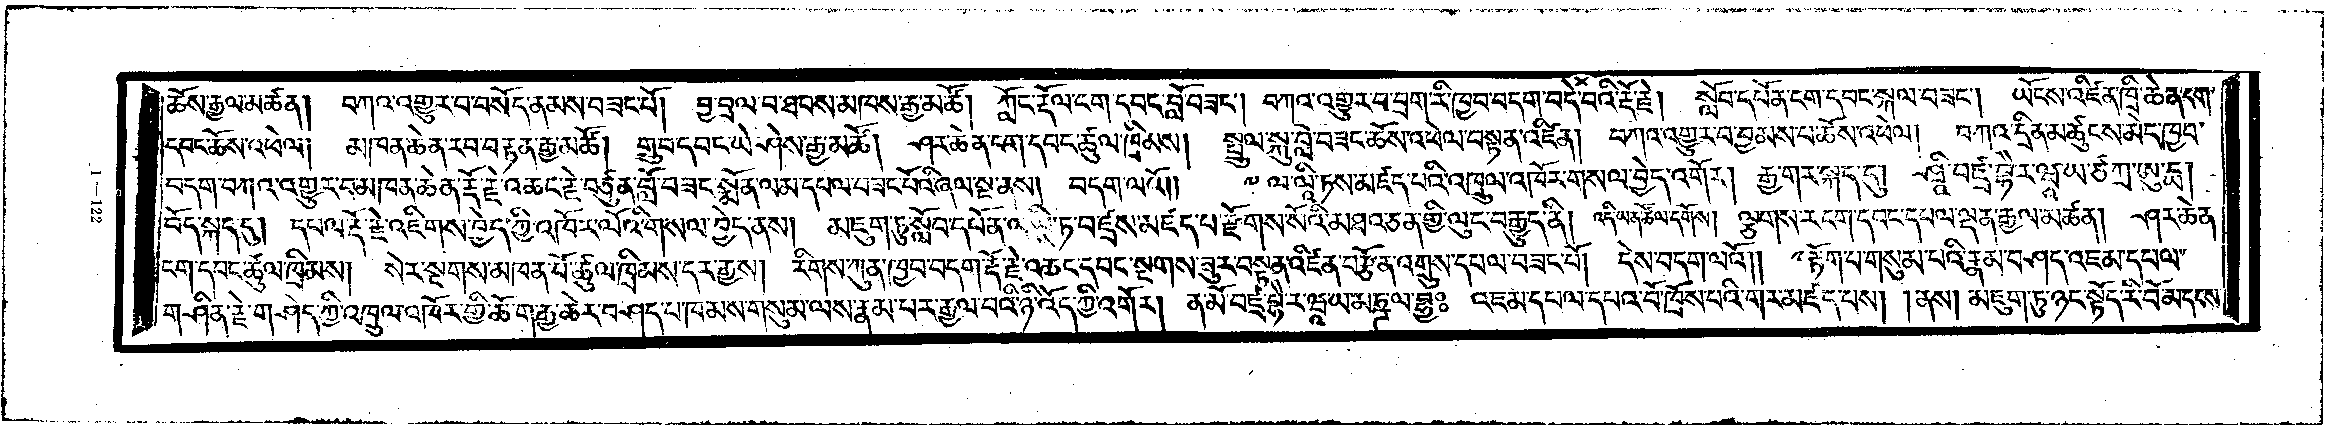ཆོས་རྒྱལ་མཚན། བཀའ་འགྱུར་བ་བསོད་ནམས་བཟང་པོ། བྱ་བྲལ་བ་ཐབས་མཁས་རྒྱ་མཚོ། ཀློང་རྡོལ་ངག་དབང་བློ་བཟང་། བཀའ་འགྱུར་བ་བྲག་རི་ཁྱབ་བདག་བདེ་བའི་རྡོ་རྗེ། སློབ་དཔོན་ངག་དབང་བསྐལ་བཟང་། ཡོངས་འཛིན་ཁྲི་ཆེན་ངག་
དབང་ཆོས་འཕེལ༑ མཁན་ཆེན་རབ་བརྟན་རྒྱ་མཚོ། གྲུབ་དབང་ཡེ་ཤེས་རྒྱ་མཚོ། ཤར་ཆེན་ངག་དབང་ཚུལ་ཁྲིམས། སྤྲུལ་སྐུ་བློ་བཟང་ཆོས་འཕེལ་བསྟན་འཛིན། བཀའ་འགྱུར་བ་བྱམས་པ་ཆོས་འཕེལ། བཀའ་དྲིན་མཚུངས་མེད་ཁྱབ་
བདག་བཀའ་འགྱུར་བ་མཁན་ཆེན་རྡོ་རྗེ་འཆང་རྗེ་བཙུན་བློ་བཟང་སྨོན་ལམ་དཔལ་བཟང་པོའི་ཞལ་སྔ་ནས། བདག་ལའོ།། ༈ ལ་ལཱི་ཏས་མཛད་པའི་འཁྲུལ་འཁོར་གསལ་བྱེད་འགོར། རྒྱ་གར་སྐད་དུ། ཤྲཱི་བཛྲ་བྷཻ་ར་ཝཱ་ཡ་ཙ་ཀྲ་ཨུ་དྱ།
བོད་སྐད་དུ། དཔལ་རྡོ་རྗེ་འཇིགས་བྱེད་ཀྱི་འཁོར་ལོའི་གསལ་བྱེད་ནས། མཇུག་ཏུ་སློབ་དཔོན་ལ་ལཱི་ཏ་བཛྲས་མཛད་པ་རྫོགས་སོའི་མཐའ་ཅན་གྱི་ལུང་བརྒྱུད་ནི། འདི་ཡན་ཚོལ་དགོས།  ལྕགས་ར་ངག་དབང་དཔལ་ལྡན་རྒྱལ་མཚན། ཤར་ཆེན་
ངག་དབང་ཚུལ་ཁྲིམས། སེར་སྔགས་མཁན་པོ་ཚུལ་ཁྲིམས་དར་རྒྱས། རིགས་ཀུན་ཁྱབ་བདག་རྡོ་རྗེ་འཆང་དབང་སྔགས་ཟུར་བསྟན་འཛིན་བརྩོན་འགྲུས་དཔལ་བཟང་པོ། དེས་བདག་ལའོ།། ༩་རྟོག་པ་གསུམ་པའི་རྣམ་བཤད་འཇམ་དཔལ་
གཤིན་རྗེ་གཤེད་ཀྱི་འཁྲུལ་འཁོར་གྱི་ཆོ་ག་རྒྱ་ཆེར་བཤད་པ་ཁམས་གསུམ་ལས་རྣམ་པར་རྒྱལ་བའི་ཉི་འོད་ཀྱི་འགོར། ན་མོ་བཛྲ་བྷཻ་ར་ཝཱ་ཡ་མཧྜ་ལ་བྷྱཿ འཇམ་དཔལ་དཔའ་བོ་ཁྲོས་པའི་གར་མཛད་པས། །ནས། མཇུག་ཏུ་ཉང་སྟོད་རི་བོ་མདངས་